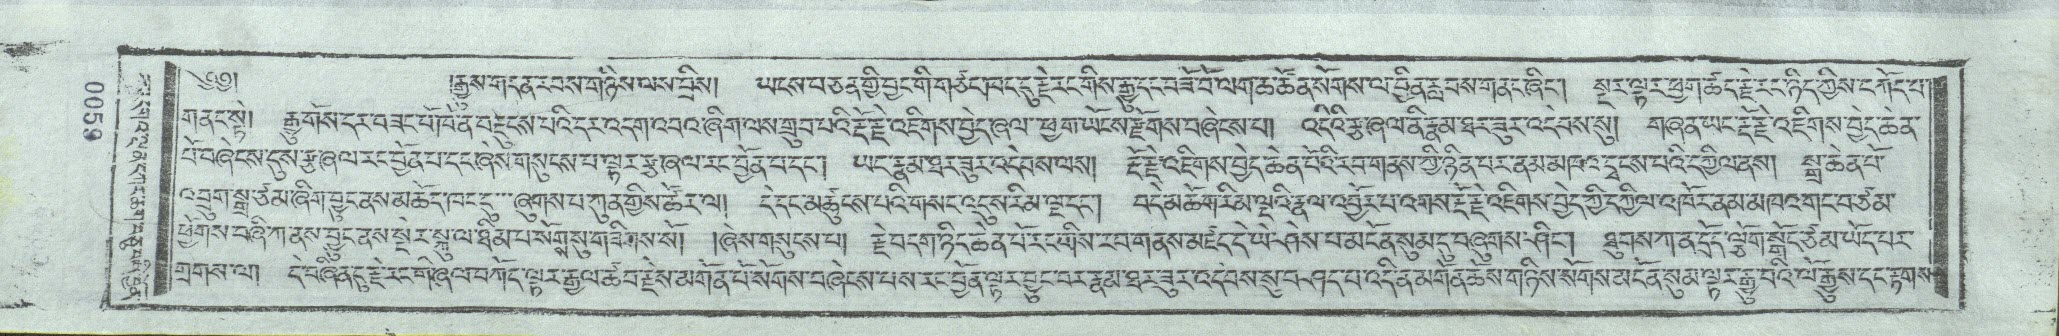༄༅། །རྒྱུས་གདན་རབས་གཉིས་ལས་བྲིས། ཡངས་བ་ཅན་གྱི་བྱང་གི་གཙང་ཁང་དུ་རྗེ་རང་གིས་རྒྱུ་དང་བཟོ་བོ་ལག་ཆ་ཚོན་སོགས་ལ་བྱིན་རླབས་གནང་ཞིང་། སྔར་ལྟར་ཕྱག་ཚད་རྗེ་རང་ཉིད་ཀྱིས་བཀོད་པ་
གནང་སྟེ། རྒྱུ་གོས་དར་བཟང་པོ་ཁོ་ན་བརྡུངས་པའི་དར་འདག་འབའ་ཞིག་ལས་གྲུབ་པའི་རྡོ་རྗེ་འཇིགས་བྱེད་ཞལ་ཕྱག་ཡོངས་རྫོགས་བཞེངས་པ། འདིའི་རྩ་ཞལ་ནི་རྣམ་ཐར་ཟུར་འདེབས་སུ། གཞན་ཡང་རྡོ་རྗེ་འཇིགས་བྱེད་ཆེན་
པོ་བཞེངས་དུས་རྩ་ཞལ་རང་བྱོན་པ་དང་ཞེས་གསུངས་པ་ལྟར་རྩ་ཞལ་རང་བྱོན་པ་དང་། ཡང་རྣམ་ཐར་ཟུར་འདེབས་ལས། རྡོ་རྗེ་འཇིགས་བྱེད་ཆེན་པོའི་རབ་གནས་ཀྱི་ཉིན་པར་ནམ་མཁའ་དྭངས་པའི་དཀྱིལ་ནས། སྒྲ་ཆེན་པོ་
འབྲུག་སྒྲ་ཙམ་ཞིག་བྱུང་ནས་མཆོད་ཁང་དུ་ཞུགས་པ་ཀུན་གྱིས་ཚོར་ལ། དེ་དང་མཚུངས་པའི་གསང་འདུས་རིམ་ལྔ་དང་། བདེ་མཆོག་རིམ་ལྔའི་རྣལ་འབྱོར་པ་འགས་རྡོ་རྗེ་འཇིགས་བྱེད་ཀྱི་དཀྱིལ་འཁོར་ནམ་མཁའ་གང་བ་ཙམ་
ཕྱོགས་བཞི་ཀ་ནས་བྱུང་ནས་སྡེར་སྐུ་ལ་ཐིམ་པ་སོགས་སུ་གཟིགས་སོ། །ཞེས་གསུངས་པ། རྗེ་བདག་ཉིད་ཆེན་པོ་རང་གིས་རབ་གནས་མཛད་དེ་ཡེ་ཤེས་པ་མངོན་སུམ་དུ་བཞུགས་ཤིང་། ཐུགས་ཀ་ན་དྲོད་ལྕོག་སྒོང་ཙམ་ཡོད་པར་
གྲགས་ལ། དེ་བཞིན་དུ་རྗེ་རང་གི་ཞལ་བཀོད་ལྟར་རྒྱལ་ཚབ་རྗེས་མགོན་པོ་སོགས་བཞེངས་པས་རང་བྱོན་ལྟར་བྱུང་བར་རྣམ་ཐར་ཟུར་འདེབས་སུ་བཤད་པ་འདི་ན་མགོན་ཆོས་གཉིས་སོགས་མངོན་སུམ་ལྟར་རྒྱུ་བའི་ལོ་རྒྱུས་དང་རྟབ་པ?